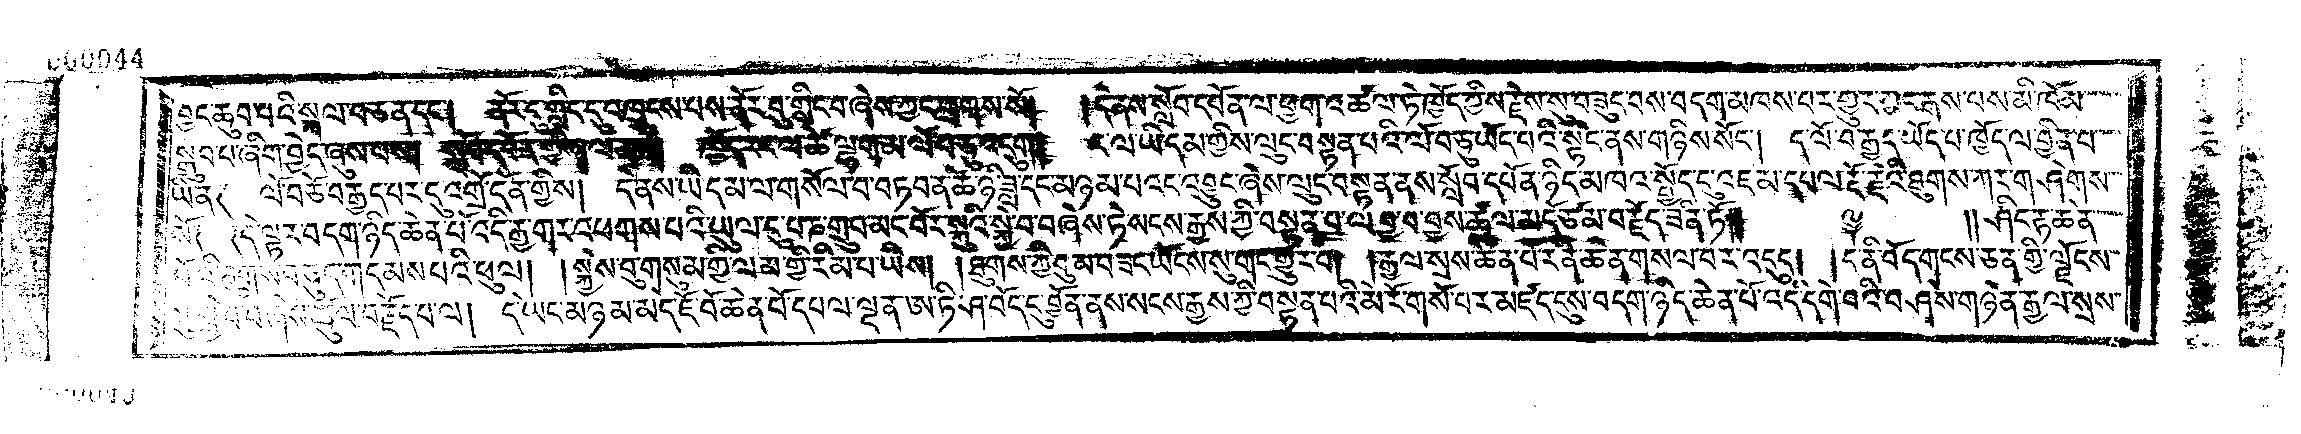བྱང་ཆུབ་པའི་སྐལ་བ་ཅན་དང་། ནོར་དུ་གླིང་དུ་འཁྲུངས་པས་ནོར་བུ་གླིང་བ་ཞེས་ཀྱང་གྲགས་སོ། །དེ་ནས་སློབ་དཔོན་ལ་ཕྱག་འཚལ་ཏེ་ཁྱོད་ཀྱིས་རྗེས་སུ་བཟུང་བས་བདག་མཁས་པར་གྱུར་ཀྱང་རྒས་པས་མི་ཁོམ་
སྒྲུབ་པ་ཞིག་བྱེད་ཞུས་པས། སློབ་དཔོན་གྱི་ཞལ་ནས། ཁྱོད་རང་ལ་ཚེ་ལྷག་མ་ལོ་བཅུ་འདུག། ང་ལ་ཡི་དམ་གྱིས་ལུང་བསྟན་པའི་ལོ་བཅུ་ཡོད་པའི་སྟེང་ནས་གཉིས་སོང་། ད་ལོ་བརྒྱད་ཡོད་པ་ཁྱོད་ལ་བྱིན་པ་
ཡིན༑ ལོ་བཅོ་བརྒྱད་བར་དུ་འགྲོ་དོན་གྱིས། དེ་ནས་ཡི་དམ་ལ་གསོལ་བ་བཏབ་ན་ཚེ་ཉི་ཟླ་དང་མཉམ་པའང་འབྱུང་ཞེས་ལུང་བསྟན་ནས་སློབ་དཔོན་ཉིད་མཁའ་སྤྱོད་དུ་འཇམ་དཔལ་རྡོ་རྗེའི་ཐུགས་ཀར་གཤེགས་
སོ༑ ༑དེ་ལྟར་བདག་ཉིད་ཆེན་པོ་འདི་རྒྱ་གར་འཕགས་པའི་ཡུལ་དུ་པཎ་གྲུབ་མང་པོར་སྐུའི་སྐྱེ་བ་བཞེས་ཏེ་སངས་རྒྱས་ཀྱི་བསྟན་པ་ལ་བྱ་བ་བྱས་ཚུལ་མདོ་ཙམ་བརྗོད་ཟིན་ཏོ།། ༈ །།ཤིང་རྟ་ཆེན་
པོའི་ཐུགས་བཅུད་གདམས་པའི་ཕུལ། །སྐྱེས་བུ་གསུམ་གྱི་ལམ་གྱི་རིམ་པ་ཡིས། །ཐུགས་ཀྱི་བུམ་བཟང་ཡོངས་སུ་གང་གྱུར་པ། །རྒྱལ་སྲས་ཆེན་པོ་རིན་ཆེན་གསལ་བར་འདུད། །ད་ནི་བོད་གངས་ཅན་གྱི་ལྗོངས་
སུ་སྐྱེ་བ་བཞེས་ཚུལ་བརྗོད་པ་ལ། དེ་ཡང་མཉམ་མེད་ཇོ་བོ་ཆེན་པོ་དཔལ་ལྡན་ཨ་ཏི་ཤ་བོད་དུ་བྱོན་ནས་སངས་རྒྱས་ཀྱི་བསྟན་པའི་མེ་རོ་གསོ་བར་མཛད་དུས་བདག་ཉིད་ཆེན་པོ་འདི་དགེ་བའི་བཤེས་གཉེན་རྒྱལ་སྲས་